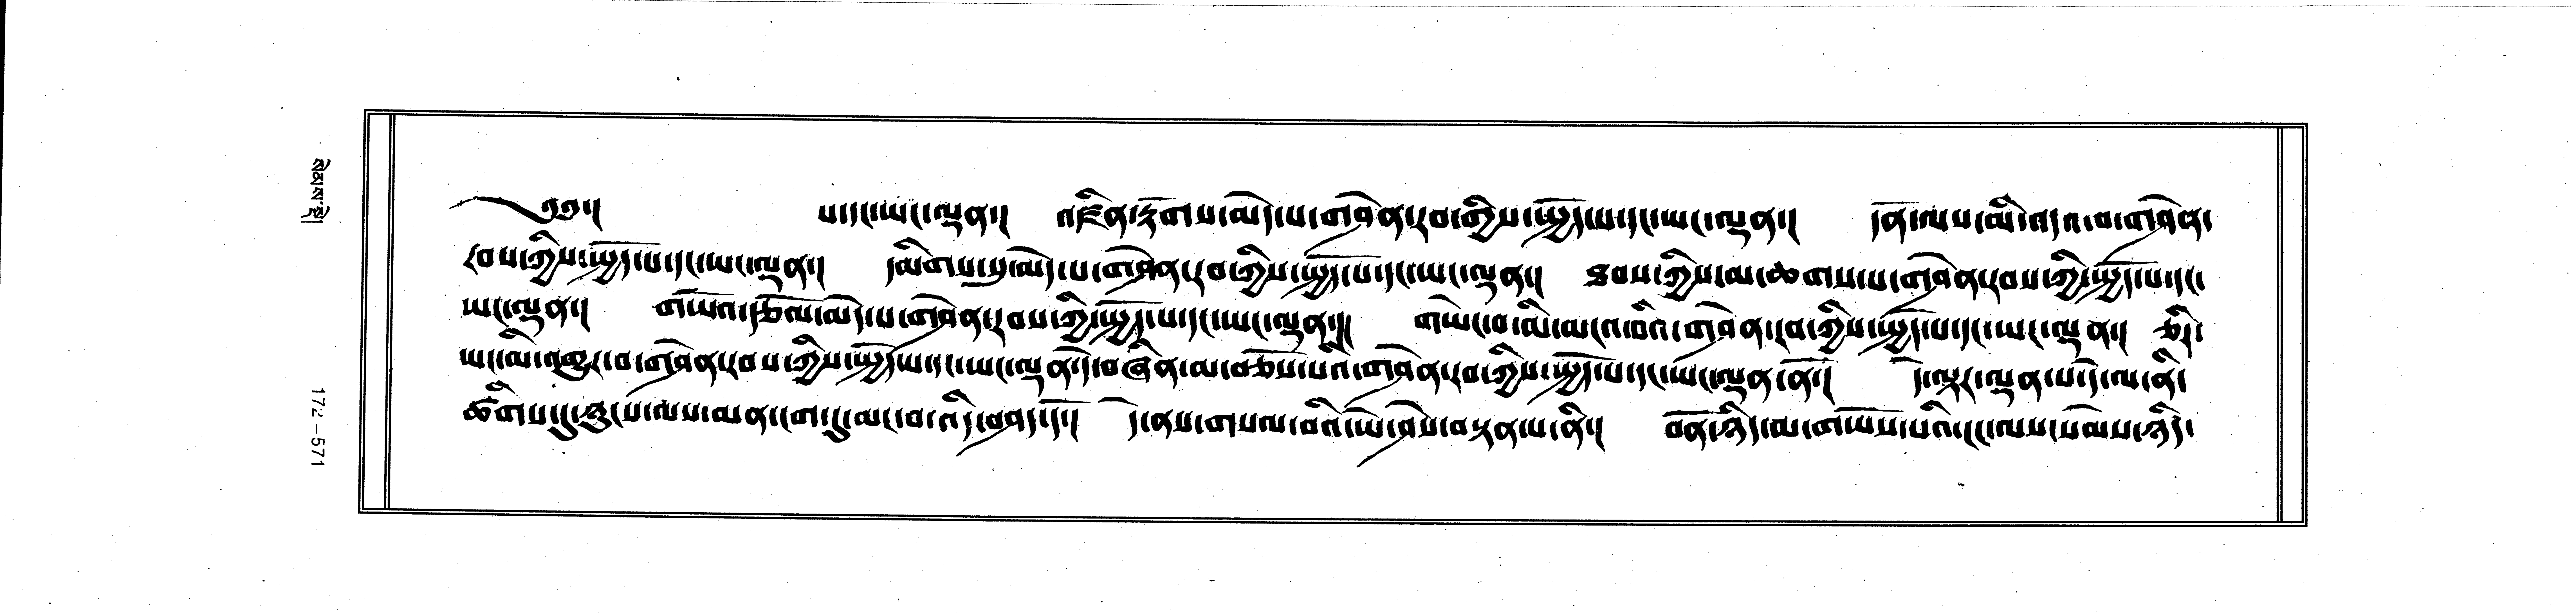པ་དང་ཡང་ལྡན། འཛིན་རྟོགས་མེད་པ་གཤེན་རབ་གྱིས་སྤྱོད་པ་དང་ཡང་ལྡན། དོན་ལས་མི་འདའ་བ་གཤེན་
རབ་ཀྱིས་སྤྱོད་པ་དང་ཡང་ལྡན། དམིགས་སུ་མེད་པ་གཤེན་རབ་ཀྱིས་སྤྱོད་པ་དང་ཡང་ལྡན། ཐབས་ཀྱིས་མ་ཆགས་པ་གཤེན་བས་ཀྱི་སྤྱོད་པ་དང་
ཡང་ལྡན། གཡོས་རྩལ་མེད་པ་གཤེན་རབས་ཀྱི་སྤྱོད་པོ་དང་ཡང་ལྡན་།། གཡེང་བ་མི་མངའ་བའི་གཤེན་རབས་རབ་ཀྱིས་སྤྱད་པ་དང་ཡང་ལྡན་། ཅིར་
ཡང་མི་འགྱུར་བ་གཤེན་རབ་ཀྱིས་སྤྱོད་པ་དང་ཡང་ལྡན། དེ་བཞིན་མ་བཅོས་པའི་གཤེན་རབ་ཀྱིས་སྤྱོད་པ་དང་ཡང་ལྡན་ནོ། དེ་ལྟར་ལྡན་པ་དེ་ལ་ནི་། 
ཚིགས་དུ་ཉུངས་ལས་མན་ངག་དུ་མང་བ་འདི་བཤད་དོ། དེ་ནས་གསལ་བའི་ཡེ་ཤེས་བསྟན་པ་ནི། བོན་ཉིད་མ་གཡོས་པའི་ངང་ལས་སེམས་ཉིད་